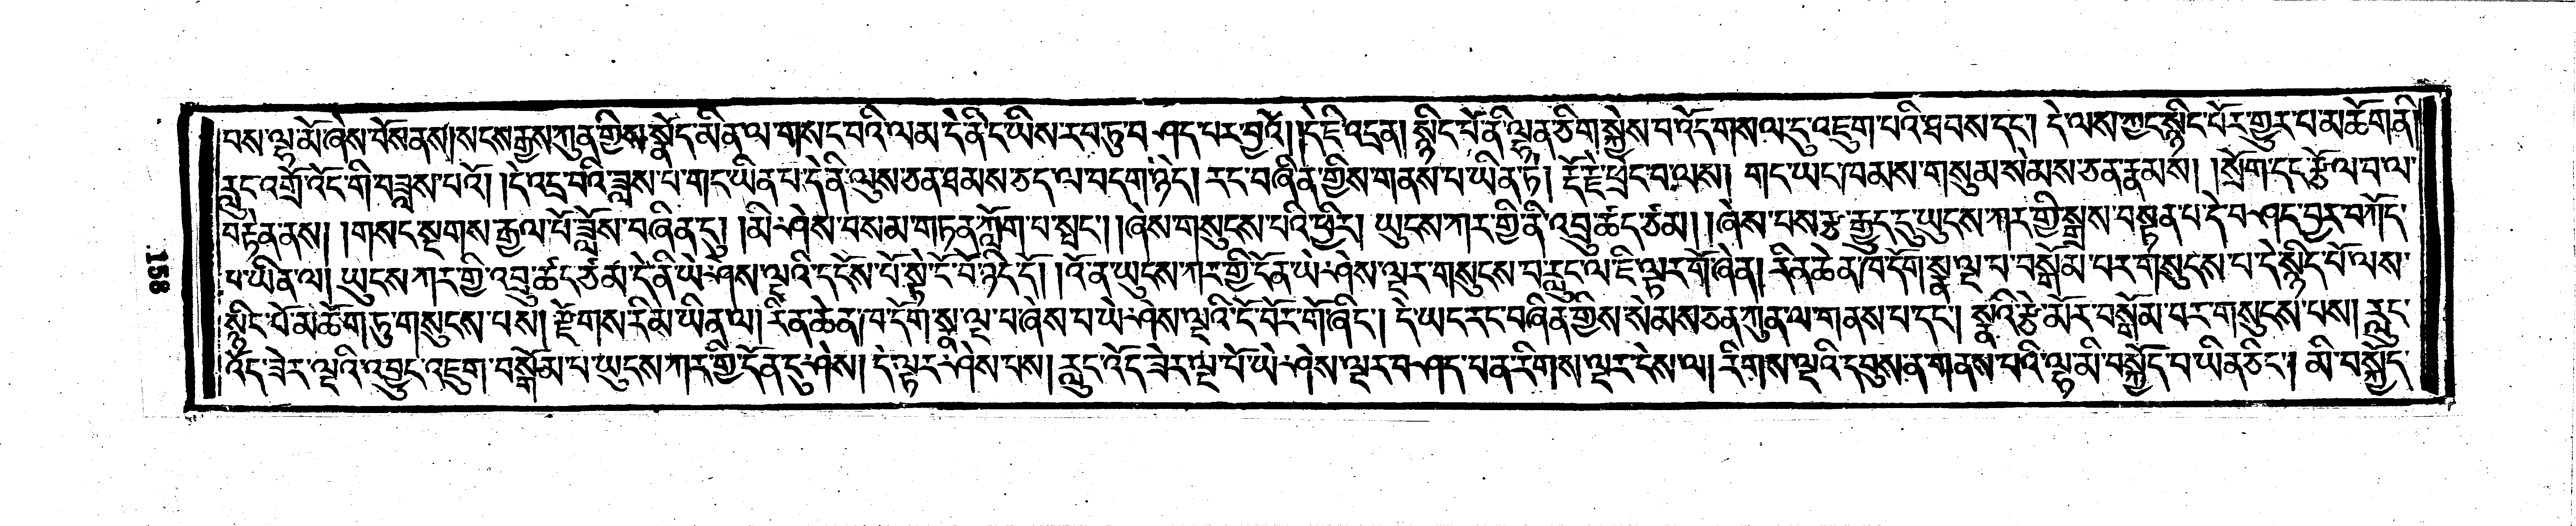པས་ལྷ་མོ་ཞེས་བོས་ནས། སངས་རྒྱས་ཀུན་གྱིས་སྣོད་མིན་ལ་གསང་བའི་ལམ་དེ་ནི་ང་ཡིས་རབ་ཏུ་བཤད་པར་བྱའོ། །དེ་ཇི་འདྲ་ན། སྙིང་པོ་ནི་ལྷན་ཅིག་སྐྱེས་པ་འོད་གསལ་དུ་འཇུག་པའི་ཐབས་དང་། དེ་ལས་ཀྱང་སྙིང་པོར་གྱུར་པ་མཆོག་ནི།
རླུང་འགྲོ་འོང་གི་བཟླས་པའོ། །དེ་འདྲ་བའི་ཟླས་པ་གང་ཡིན་པ་དེ་ནི་ལུས་ཅན་ཐམས་ཅད་ལ་བདག་ཉིད། རང་བཞིན་གྱིས་གནས་པ་ཡིན་ཏེ། རྡོ་རྗེ་ཕྲེང་བ་ལས། གང་ཡང་ཁམས་གསུམ་སེམས་ཅན་རྣམས། །སྲོག་དང་རྩོལ་བ་ལ་
བརྟེན་ནས། །གསང་སྔགས་རྒྱལ་པོ་ཟློས་བཞིན་དུ། །མི་ཤེས་བསམ་གཏན་ཀློག་པ་སྤང་། །ཞེས་གསུངས་པའི་ཕྱིར། ཡུངས་ཀར་གྱི་ནི་འབྲུ་ཚད་ཙམ། །ཞེས་པས་རྩ་རྒྱུད་དུ་ཡུངས་ཀར་གྱི་སྒྲས་བསྟན་པ་དེ་བཤད་བྱར་བཀོད་
པ་ཡིན་ལ། ཡུངས་ཀར་གྱི་འབྲུ་ཚད་ཙམ་དེ་ནི་ཡེ་ཤེས་ལྔའི་དངོས་པོ་སྟེ་ངོ་བོ་ཉིད་དོ། །འོ་ན་ཡུངས་ཀར་གྱི་དོན་ཡེ་ཤེས་ལྔར་གསུངས་པ་རླུང་ལ་ཇི་ལྟར་གོ་ཞེ་ན། རིན་ཆེན་ཁ་དོག་སྣ་ལྔ་པ་བསྒོམ་པར་གསུངས་པ་དེ་སྙིང་པོ་ལས་
སྙིང་པོ་མཆོག་ཏུ་གསུངས་པས། རྫོགས་རིམ་ཡིན་ལ། རིན་ཆེན་ཁ་དོག་སྣ་ལྔ་པ་ཞེས་པ་ཡེ་ཤེས་ལྔའི་ངོ་བོར་གོ་ཞིང་། དེ་ཡང་རང་བཞིན་གྱིས་སེམས་ཅན་ཀུན་ལ་གནས་པ་དང་། སྣའི་རྩེ་མོར་བསྒོམ་པར་གསུངས་པས། རླུང་
འོད་ཟེར་ལྔའི་འབྱུང་འཇུག་བསྒོམ་པ་ཡུངས་ཀར་གྱི་དོན་དུ་ཤེས། དེ་ལྟར་ཤེས་པས། རླུང་འོད་ཟེར་ལྔ་པོ་ཡེ་ཤེས་ལྔར་བཤད་པ་ན་རིགས་ལྔར་ངེས་ལ། རིགས་ལྔའི་དབུས་ན་གནས་པའི་ལྷ་མི་བསྐྱོད་པ་ཡིན་ཅིང་། མི་བསྐྱོད་